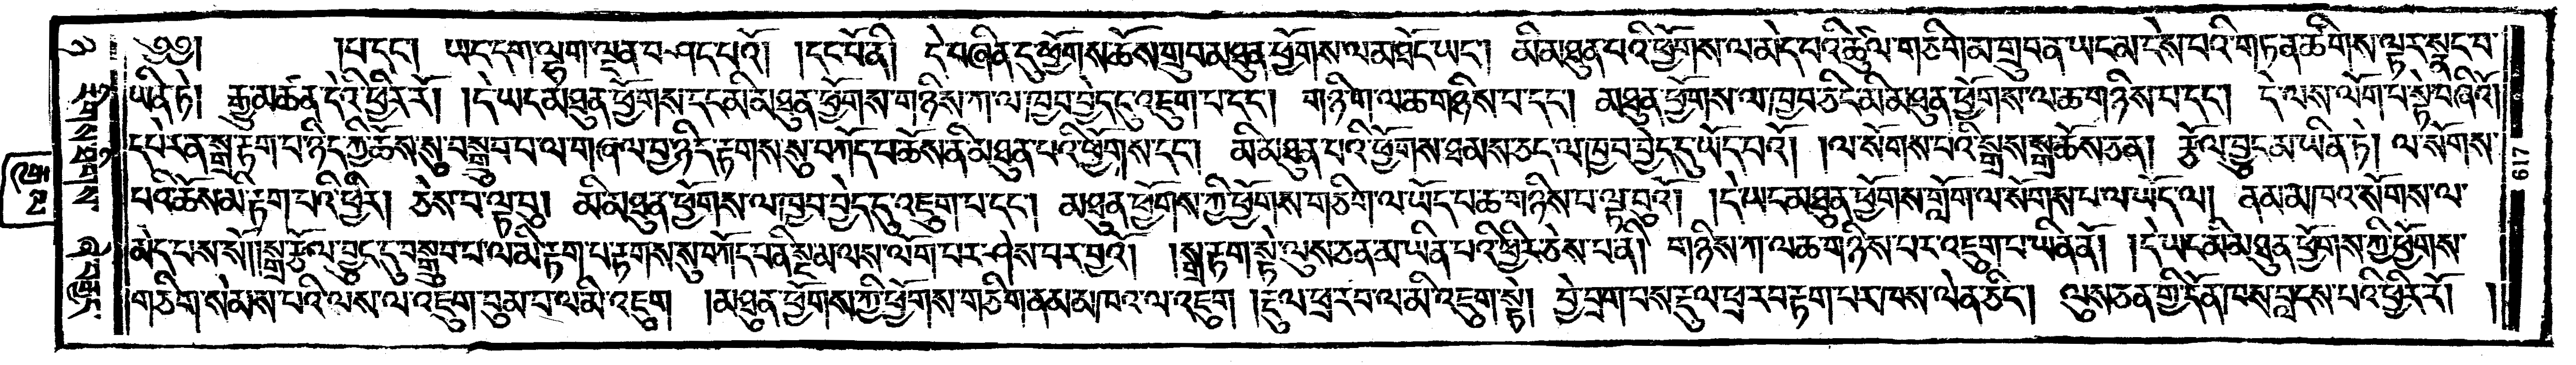༄༅། །པ་དང་། ཡང་དག་ལྷག་ལྡན་བཤད་པའོ། །དང་པོ་ནི། དེ་བཞིན་དུ་ཕྱོགས་ཆོས་གྲུབ་མཐུན་ཕྱོགས་ལ་མཐོང་ཡང་། མི་མཐུན་པའི་ཕྱོགས་ལ་མེད་པའི་ཚུལ་གཅིག་མ་གྲུབ་ན་ཡང་མ་ངེས་པའི་གཏན་ཚིགས་ལྟར་སྣང་བ་
ཡིན་ཏེ། རྒྱུ་མཚན་དེའི་ཕྱིར་རོ། །དེ་ཡང་མི་མཐུན་ཕྱོགས་དང་མི་མཐུན་ཕྱོགས་གཉིས་ཀ་ལ་ཁྱབ་བྱེད་དུ་འཇུག་པ་དང་། གཉི་ག་ལ་ཆ་གཉིས་པ་དང་། མཐུན་ཕྱོགས་ལ་ཁྱབ་ཅིང་མི་མཐུན་ཕྱོགས་ལ་ཆ་གཉིས་པ་དང་། དེ་ལས་ལོག་པ་སྟེ་བཞིའོ།
དཔེར་ན་སྒྲ་རྟག་པ་ཉིད་ཀྱི་ཆོས་སུ་བསྒྲུབ་པ་ལ་གཞལ་བྱ་ཉིད་རྟགས་སུ་བཀོད་པ་ཆོས་ནི་མཐུན་པའི་ཕྱོགས་དང་། མི་མཐུན་པའི་ཕྱོགས་ཐམས་ཅད་ལ་ཁྱབ་བྱེད་དུ་ཡོད་པའོ། །ལ་སོགས་པའི་སྒྲས་སྒྲ་ཆོས་ཅན། རྩོལ་བྱུང་མ་ཡིན་ཏེ། ལ་སོགས་
པའི་ཆོས་མི་རྟག་པའི་ཕྱིར། ཅེས་པ་ལྟ་བུ། མི་མཐུན་ཕྱོགས་ལ་ཁྱབ་བྱེད་དུ་འཇུག་པ་དང་། མཐུན་ཕྱོགས་ཀྱི་ཕྱོགས་གཅིག་ལ་ཡོད་པ་ཆ་གཉིས་པ་ལྟ་བུའོ། །དེ་ཡང་མཐུན་ཕྱོགས་གློག་ལ་སོགས་པ་ལ་ཡོད་ལ། ནམ་མཁའ་སོགས་ལ་
མེད་པས་སོ། །སྒྲ་རྩོལ་བྱུང་དུ་བསྒྲུབ་པ་ལ་མི་རྟག་པ་རྟགས་སུ་བཀོད་པ་ནི་སྔ་མ་ལས་ལོག་པར་ཤེས་པར་བྱའོ། །སྒྲ་རྟག་སྟེ་ལུས་ཅན་མ་ཡིན་པའི་ཕྱིར་ཅེས་པ་ནི། གཉིས་ཀ་ལ་ཆ་གཉིས་པར་འཇུག་པ་ཡིན་ནོ། །དེ་ཡང་མི་མཐུན་ཕྱོགས་ཀྱི་ཕྱོགས་
གཅིག་སེམས་པའི་ལས་ལ་འཇུག་བུམ་པ་ལ་མི་འཇུག །མཐུན་ཕྱོགས་ཀྱི་ཕྱོགས་གཅིག་ནམ་མཁའ་ལ་འཇུག །རྡུལ་ཕྲ་བ་ལ་མི་འཇུག་སྟེ། བྱེ་བྲག་པས་རྡུལ་ཕྲ་རབ་རྟག་པར་ཁས་ལེན་ཅིང་། ལུས་ཅན་གྱི་དོན་ཁས་བླངས་པའི་ཕྱིར་རོ། །